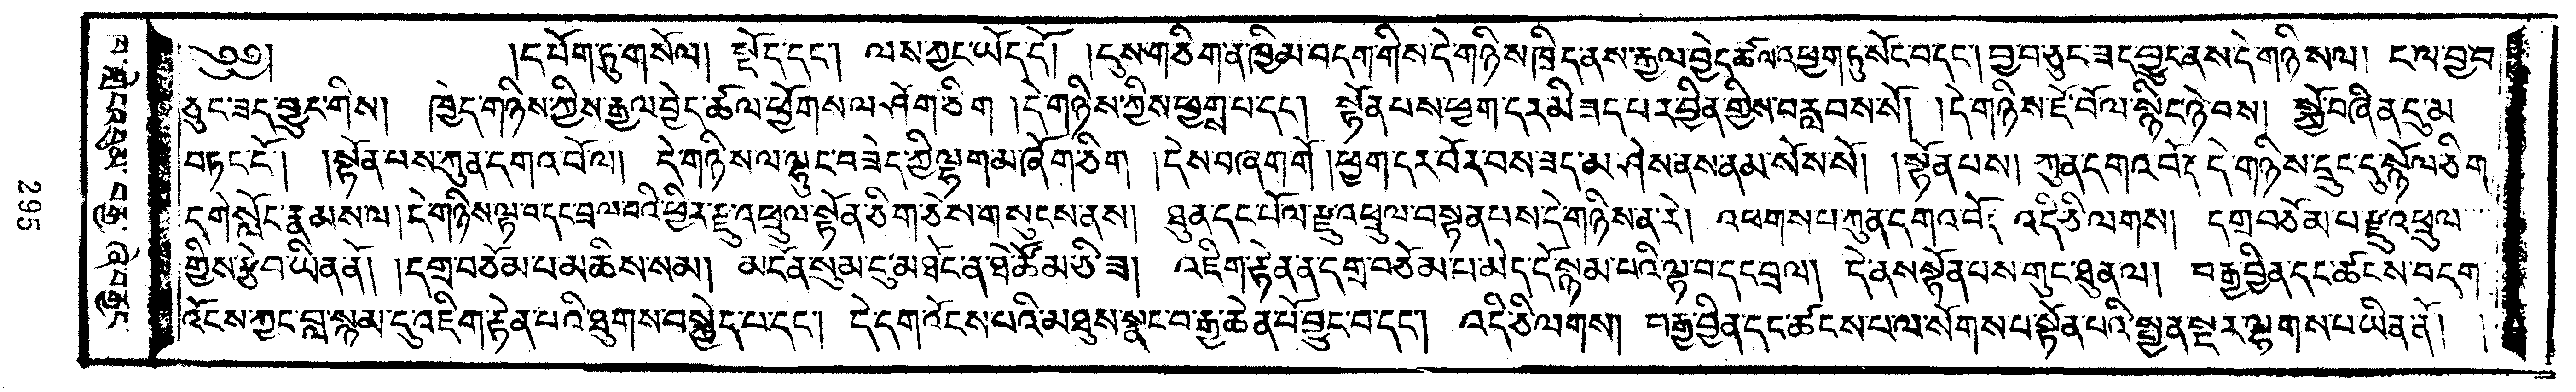༄༅། །དཔོག་ཏུ་གསོལ། སྡོད་དང་། ལས་ཀྱང་ཡོད་དོ། །དུས་གཅིག་ན་ཁྱིམ་བདག་གིས་དེ་གཉིས་ཁྲིད་ནས་རྒྱལ་བྱེད་ཚལ་འཕྱག་ཏུ་སོང་བ་དང་། བྱ་བ་ཅུང་ཟད་བྱུང་ནས་དེ་གཉིས་ལ། ང་ལ་བྱ་བ་
ཅུང་ཟད་བྱུང་གིས། ཁྱེད་གཉིས་ཀྱིས་རྒྱལ་བྱེད་ཚལ་ཕྱོགས་ལ་ཤོག་ཅིག །དེ་གཉིས་ཀྱིས་ཕྱགས་པ་དང་། སྟོན་པས་ཕྱག་དར་མི་ཟད་པར་བྱིན་གྱིས་བརླབས་སོ། །དེ་གཉིས་ཇོ་བོ་ལ་སྙིང་ཉེ་བས། སྐྱོ་བཞིན་དུ་མ་
བཏང་ངོ། །སྟོན་པས་ཀུན་དགའ་བོ་ལ། དེ་གཉིས་ལ་ལྷུང་བཟེད་ཀྱི་ལྷག་མ་ཞོག་ཅིག །དེས་བཞག་གོ །ཕྱག་དར་བོར་བས་ཟད་མ་ཤེས་ནས་ནམ་སོས་སོ། །སྟོན་པས། ཀུན་དགའ་བོ༑ དེ་གཉིས་དྲུང་དུ་སྙོལ་ཅིག་
དགེ་སློང་རྣམས་ལ། །དེ་གཉིས་ལྟ་བ་དང་བྲལ་བའི་ཕྱིར་རྫུ་འཕྲུལ་སྟོན་ཅིག་ཅེས་གསུངས་ནས། ཐུན་དང་པོ་ལ་རྫུ་འཕྲུལ་བསྟན་པས་དེ་གཉིས་ན་རེ། འཕགས་པ་ཀུན་དགའ་བོ༑ འདི་ཅི་ལགས། དགྲ་བཅོམ་པ་རྫུ་འཕྲུལ་
གྱིས་རྩེ་བ་ཡིན་ནོ། །དགྲ་བཅོམ་པ་མཆིས་སམ། མངོན་སུམ་དུ་མཐོང་ན་ཐེ་ཚོམ་ཅི་ཟ། འཇིག་རྟེན་ན་དགྲ་བཅོམ་པ་མེད་དོ་སྙམ་པའི་ལྟ་བ་དང་བྲལ། དེ་ནས་སྟོན་པས་གུང་ཐུན་ལ། བརྒྱ་བྱིན་དང་ཚངས་བདག་
འོངས་ཀྱང་བླ་སྙམ་དུ་འཇིག་རྟེན་པའི་ཐུགས་བསྐྱེད་པ་དང་། དེ་དག་འོངས་པའི་མཐུས་སྣང་བ་རྒྱ་ཆེན་པོ་བྱུང་བ་དང་། འདི་ཅི་ལགས། བརྒྱ་བྱིན་དང་ཚངས་པ་ལ་སོགས་པ་སྟོན་པའི་སྤྱན་སྔར་ལྷགས་པ་ཡིན་ནོ། །